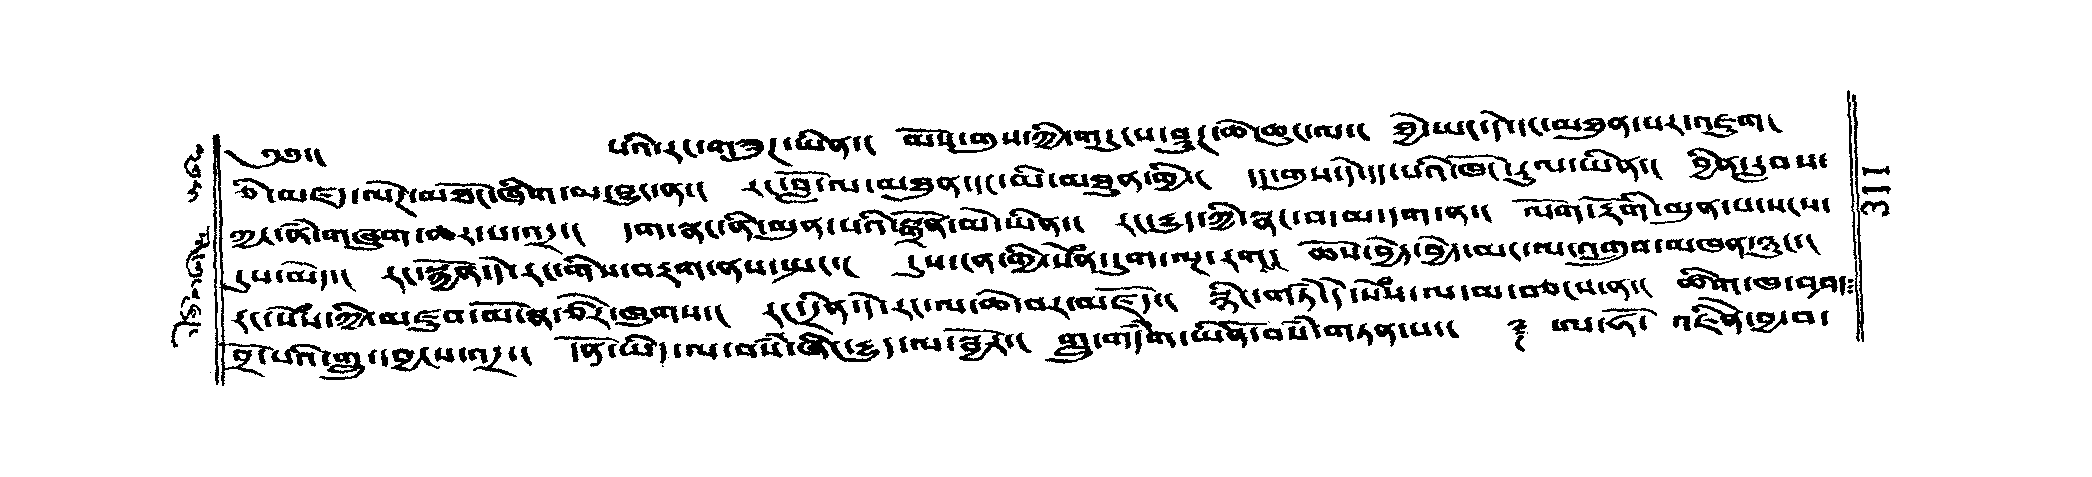པའི་རང་གཟུགས་ཡིན། །མོས་གུས་ཀྱི་གདུང་ཤུགས་ཆེ་ཆུང་ལ། །ཐུགས་རྗེ་ཡང་དེ་དང་མཐུན་པར་འཇུག །
ཅི་མཛད་ལེགས་མཐོང་ཞིག་མ་བྱུང་ན། །རང་བློ་ལ་མཐུན་དང་མི་མཐུན་གྱི། །དད་གུས་དེ་དད་པའི་ཁོང་རུལ་ཡིན། །བྱིན་རླབས་
ཀྱང་ནམ་གཞུག་ཆར་པ་འདྲ། །དག་སྣང་ནི་མུན་པའི་སྒྲོན་མེ་ཡིན། །རང་རྒྱུད་ཀྱི་སྣང་བ་མ་དག་ན། །ལོག་རྟོག་གི་མུན་པ་སངས་
དུས་མེད། །རང་སྐྱོན་དེ་རང་གིས་བརྟག་ནས་སྤང་། །དུས་ངན་གྱི་སེམས་ཅན་དུག་ལྔ་རགས། །ཆོས་བྱེད་བྱེད་མང་ལ་འགྲུབ་མཁན་ཉུང་། །
རང་སེམས་ཀྱི་མཛུབ་མོ་སྣ་ཙེར་ཁུགས། །རང་དྲིན་དེ་རང་ལ་ཆེ་བར་མཛོད། །སྙིང་གཏམ་དེ་སེམས་ལ་མ་བཅངས་ན། །ཚིག་ཁ་བཤད་
བྲོ་པའི་གླུ་དབྱངས་འདྲ། །དོན་ཡིད་ལ་བསམ་ཞིང་རྒྱུད་ལ་སྦྱོར། །གླུ་གདམས་ངག་ཡིན་ནོ་བསམ་གཏན་པ།། ༈ ཨ་ཧོ། འཇིག་རྟེན་བྱ་བ་